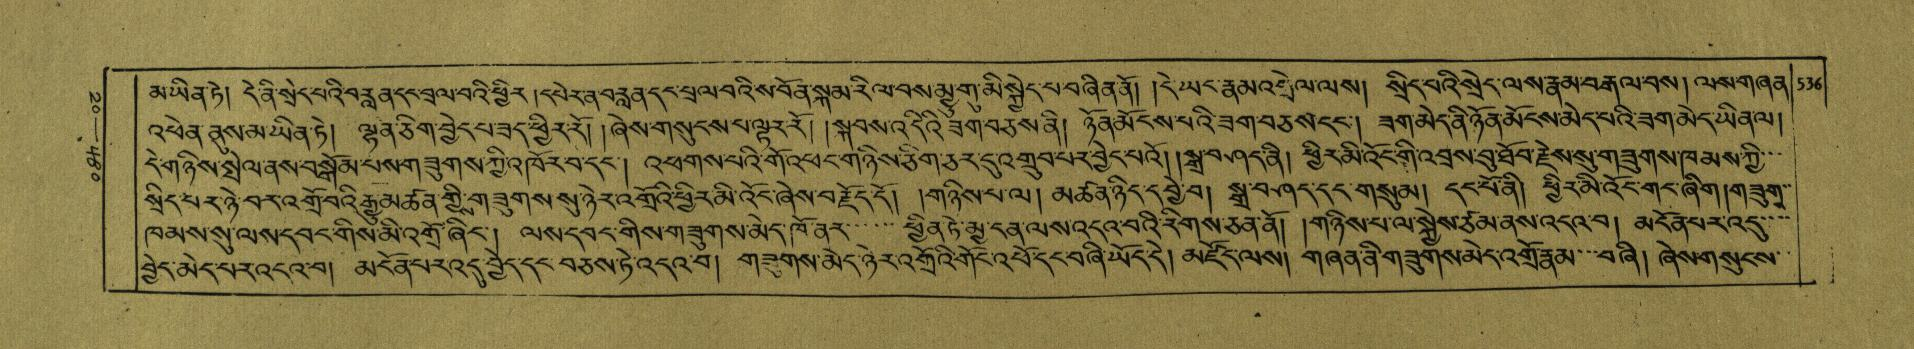མ་ཡིན་ཏེ། དེ་ནི་སྲེད་པའི་བརླན་དང་བྲལ་བའི་ཕྱིར་།དཔེར་ན་བརླན་དང་བྲལ་བའི་ས་བོན་སྐམ་རིལ་བས་མྱུ་གུ་མི་སྐྱེད་པ་བཞིན་ནོ། །དེ་ཡང་རྣམ་འགྲེལ་ལས། སྲིད་པའི་སྲེད་ལས་རྣམ་བརྒལ་བས། ལས་གཞན་
འཕེན་ནུས་མ་ཡིན་ཏེ། ལྷན་ཅིག་བྱེད་པ་ཟད་ཕྱིར་རོ། །ཞེས་གསུངས་པ་ལྟར་རོ། །སྐབས་འདིའི་ཟག་བཅས་ནི། ཉོན་མོངས་པའི་ཟག་བཅས་དང་། ཟག་མེད་ནི་ཉོན་མོངས་མེད་པའི་ཟག་མེད་ཡིན་ལ།
དེ་གཉིས་སྤེལ་ནས་བསྒོམ་པས་གཟུགས་ཀྱི་འཁོར་བ་དང་། འཕགས་པའི་གོ་འཕང་གཉིས་ཅིག་ཅར་དུ་འགྲུབ་པར་བྱེད་པའོ། །སྒྲ་བཤད་ནི། ཕྱིར་མི་འོང་གི་འབྲས་བུ་ཐོབ་རྗེས་སུ་གཟུགས་ཁམས་ཀྱི་
སྲིད་པར་ཉེ་བར་འགྲོ་བའི་རྒྱུ་མཚན་གྱིས་གཟུགས་སུ་ཉེར་འགྲོའི་ཕྱིར་མི་འོང་ཞེས་བརྗོད་དོ། །གཉིས་པ་ལ། མཚན་ཉིད་དབྱེ་བ། སྒྲ་བཤད་དང་གསུམ། དང་པོ་ནི། ཕྱིར་མི་འོང་གང་ཞིག །གཟུགས་
ཁམས་སུ་ལས་དབང་གིས་མི་འགྲོ་ཞིང་། ལས་དབང་གིས་གཟུགས་མེད་ཁོ་ནར་ཕྱིན་ཏེ་མྱ་ངན་ལས་འདའ་བའི་རིགས་ཅན་ནོ། །གཉིས་པ་ལ་སྐྱེས་ཙམ་ནས་འདའ་བ། མངོན་པར་འདུ་
བྱེད་མེད་པར་འདའ་བ། མངོན་པར་འདུ་བྱེད་དང་བཅས་ཏེ་འདའ་བ། གཟུགས་མེད་ཉེར་འགྲོའི་གོང་འཕོ་དང་བཞི་ཡོད་དེ། མཛོད་ལས། གཞན་ནི་གཟུགས་མེད་འགྲོ་རྣམ་བཞི། ཞེས་གསུངས་